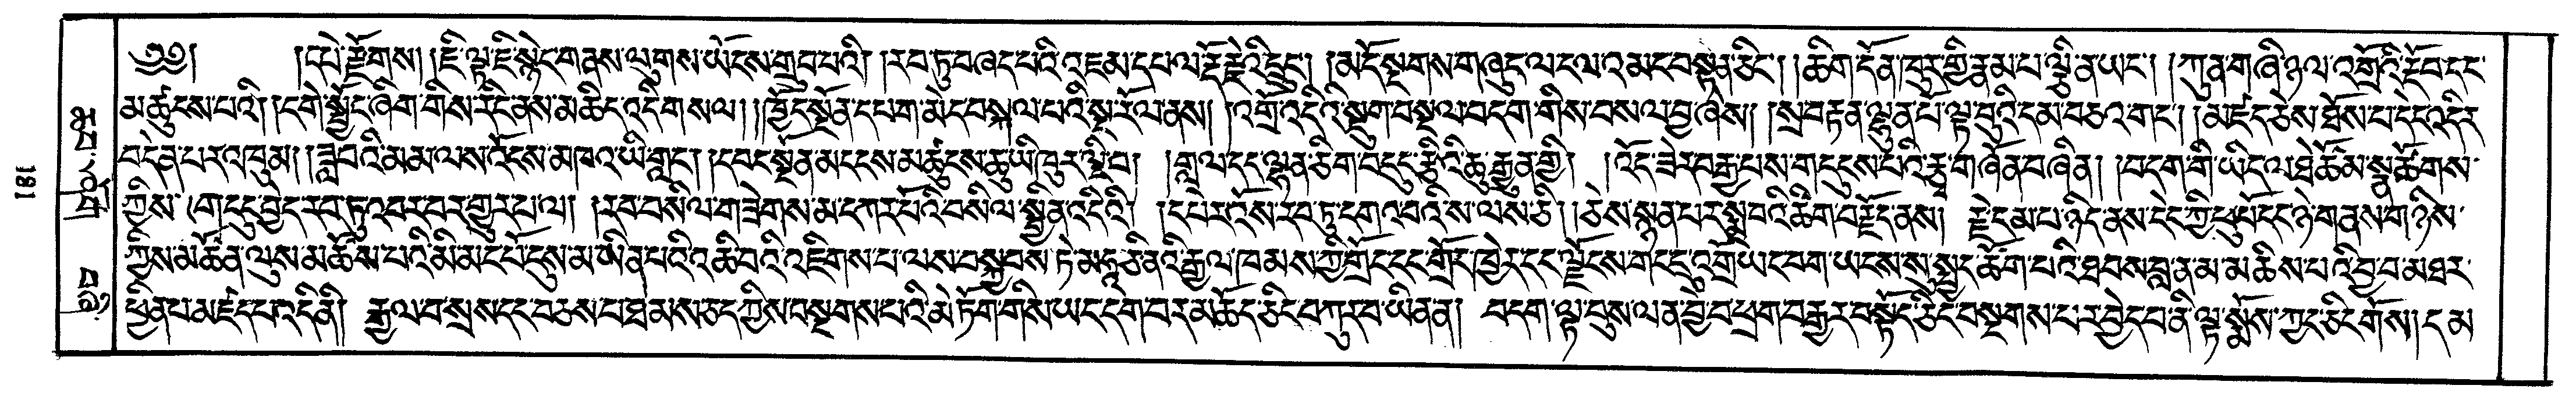༄༅། །དཔེ་རྫོགས། །ཇི་ལྟ་ཇི་སྙེད་གནས་ལུགས་ཡོངས་གྲུབ་པའི། །རབ་ཏུ་བཞད་པའི་འཇམ་དཔལ་རྡོ་རྗེའི་དྲུང་། །མདོ་སྔགས་གཞུང་ལ་ངལ་བ་མང་བསྟེན་ཅིང་། །ཚིག་དོན་ཁུར་གྱི་རྣམ་པ་ལྕི་ན་ཡང་། །ཀུན་གཞི་ཉལ་འགྲོའི་རྡོ་བ་དང་
མཚུངས་པའི། །དགེ་སྦྱོང་ཞིག་གིས་རིང་ནས་མཆིང་འདི་གསོལ། །ཁྱོད་སྔོན་དཔག་མེད་བསྐལ་བའི་སྔ་རོལ་ནས། །འགྲོ་འདིའི་སྡུག་བསྔལ་བདག་གིས་བསལ་བྱ་ཞེས། །སྲ་བརྟན་ལྷུན་པོ་ལྟ་བུའི་དམ་བཅའ་གང་། །མཛད་ཅེས་ཐོས་པ་དེང་འདིར་
བདེན་པར་འཁུམ། །ཟླ་བའི་མ་མ་ལས་འོངས་མཁའ་ཡི་གླང་། །དབང་སྔོན་མདངས་མཚུངས་ཆུ་ཡི་ཁུར་ལྕི་བ། །གླལ་དང་ལྷན་ཅིག་བདུད་རྩིའི་ཆུ་རྒྱུན་གྱི། །འོད་ཟེར་བརྒྱ་པས་གདུངས་པའི་རྩྭ་གཞོན་བཞིན། །བདག་གི་ཡིད་ལ་ཐེ་ཚོམ་སྣ་ཚོགས་
ཀྱིས༑ ༑གདུང་བྱེད་རབ་ཏུ་འབར་བར་གྱུར་པ་ལ། །རབ་བསིལ་གཟེགས་མ་དཀར་བོའི་བསིལ་སྦྱིན་འདིའི། །དཔེར་འོས་རབ་ཏུ་དགའ་བའི་ས་ལས་ཅི། །ཅེས་སྙན་པར་སྨྲ་བའི་ཚིག་བརྗོད་ནས། རྗེ་དམ་པ་ཉིད་ནས་ངེད་ཀྱི་ཕུ་བོ་དང་ཉེ་གནས་གཉིས་
ཀྱིས་མཚོན་ལུས་མ་ཚོས་པའི་མི་མང་པོ་དུས་མ་ཡིན་པའི་འཆི་བའི་འཇིགས་པ་ལས་བསྐྱབས་ཏེ་མཧཱ་ཙ་ནིའི་རྒྱལ་ཁམས་ཀྱི་གྲོང་དང་གྲོང་ཁྱེར་དང་ལྗོངས་གང་དུ་འགྲོ་ཡང་བག་ཡངས་སུ་སྤྱད་ཆོག་པའི་ཐབས་བླ་ན་མ་མཆིས་པའི་བྱ་བ་མཐར་
ཕྱིན་པ་མཛད་པ་འདི་ནི། རྒྱལ་བ་སྲས་དང་བཅས་པ་ཐམས་ཅད་ཀྱིས་བསྔགས་པའི་མེ་ཏོག་གིས་ཡང་དག་པར་མཆོད་ཅིང་བཀུར་བ་ཡིན་ན། བདག་ལྟ་བུས་ལན་བྱེ་བ་ཕྲག་བརྒྱར་བསྟོད་ཅིང་བསྔགས་པར་བྱེད་པ་ནི་ལྟ་སྨོས་ཀྱང་ཅི་དགོས། དམ་